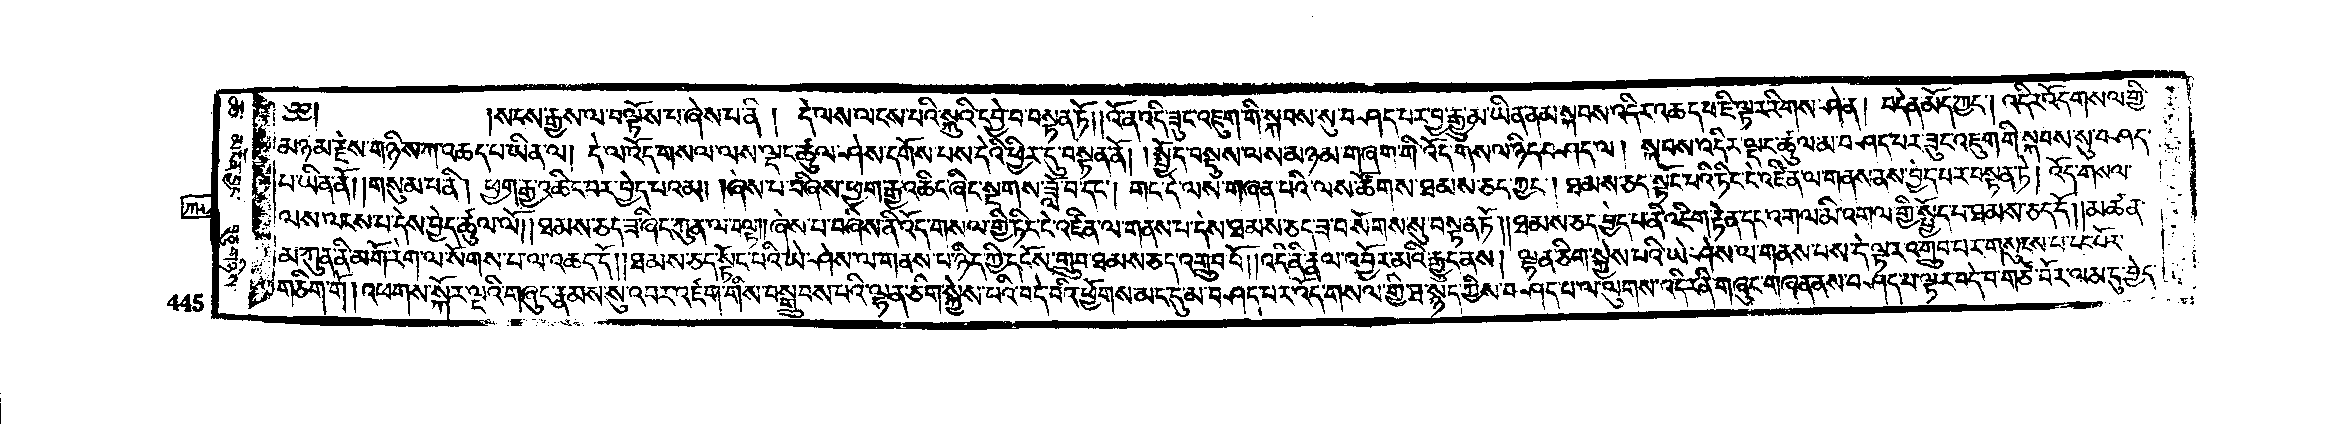༄༅། །སངས་རྒྱས་ལ་བལྟོས་པ་ཞེས་པ་ནི། དེ་ལས་ལངས་པའི་སྐུའི་དབྱེ་བ་བསྟན་ཏོ། །འོ་ན་འདི་ཟུང་འཇུག་གི་སྐབས་སུ་བཤད་པར་བྱ་རྒྱུ་མ་ཡིན་ནམ་སྐབས་འདིར་འཆད་པ་ཇི་ལྟར་རིགས་ཤེ་ན། བདེན་མོད་ཀྱང་། འདིར་འོད་གསལ་གྱི་
མཉམ་རྗེས་གཉིས་ཀ་འཆད་པ་ཡིན་ལ། དེ་ལ་འོད་གསལ་ལས་ལྡང་ཚུལ་ཤེས་དགོས་པས་དེའི་ཕྱིར་དུ་བསྟན་ནོ། །སྤྱོད་བསྡུས་ལས་མཉམ་གཞག་གི་འོད་གསལ་ཉིད་བཤད་ལ། སྐབས་འདིར་ལྡང་ཚུལ་མ་བཤད་པར་ཟུང་འཇུག་གི་སྐབས་སུ་བཤད་
པ་ཡིན་ནོ། །གསུམ་པ་ནི། ཕྱག་རྒྱ་འཆིང་བར་བྱེད་པའམ། །ཞེས་པ་བཞིས་ཕྱག་རྒྱ་འཆིང་ཞིང་སྔགས་ཟློ་བ་དང་། གང་དེ་ལས་གཞན་པའི་ལས་ཚོགས་ཐམས་ཅད་ཀྱང་། ཐམས་ཅད་སྟོང་པའི་ཏིང་ངེ་འཛིན་ལ་གནས་ནས་བྱེད་པར་བསྟན་ཏེ། འོད་གསལ་
ལས་ལངས་པ་དེས་བྱེད་ཚུལ་ལོ། །ཐམས་ཅད་ཟ་ཞིང་ཀུན་ལ་བལྟ། །ཞེས་པ་བཞིས་ནི་འོད་གསལ་གྱི་ཏིང་ངེ་འཛིན་ལ་གནས་པ་དེས་ཐམས་ཅད་ཟ་བ་སོགས་སུ་བསྟན་ཏོ། །ཐམས་ཅད་བྱེད་པ་ནི་འཇིག་རྟེན་དང་འགལ་མི་འགལ་གྱི་སྤྱོད་པ་ཐམས་ཅད་དོ། །མཚན་
མ་ཀུན་ནི་མགོ་རེག་ལ་སོགས་པ་ལ་འཆད་དོ། །ཐམས་ཅད་སྟོང་པའི་ཡེ་ཤེས་ལ་གནས་པ་ཉིད་ཀྱི་དངོས་གྲུབ་ཐམས་ཅད་འགྲུབ་བོ། །འདི་ནི་རྣལ་འབྱོར་མའི་རྒྱུད་ནས། ལྷན་ཅིག་སྐྱེས་པའི་ཡེ་ཤེས་ལ་གནས་པས་དེ་ལྟར་འགྲུབ་པར་གསུངས་པ་དང་དོན་
གཅིག་གོ །འཕགས་སྐོར་ལྔའི་གཞུང་རྣམས་སུ་འབར་འཛག་གིས་བསྒྲུབས་པའི་ལྷན་ཅིག་སྐྱེས་པའི་བདེ་བའི་ཕྱོགས་མང་དུ་མ་བཤད་པར་འོད་གསལ་གྱི་ཐ་སྙད་ཀྱིས་བཤད་པ་ལ་ལུགས་འདིར་ནི་གཞུང་གཞན་ནས་བཤད་པ་ལྟར་བདེ་བ་གཙོ་བོར་ལམ་དུ་བྱེད་